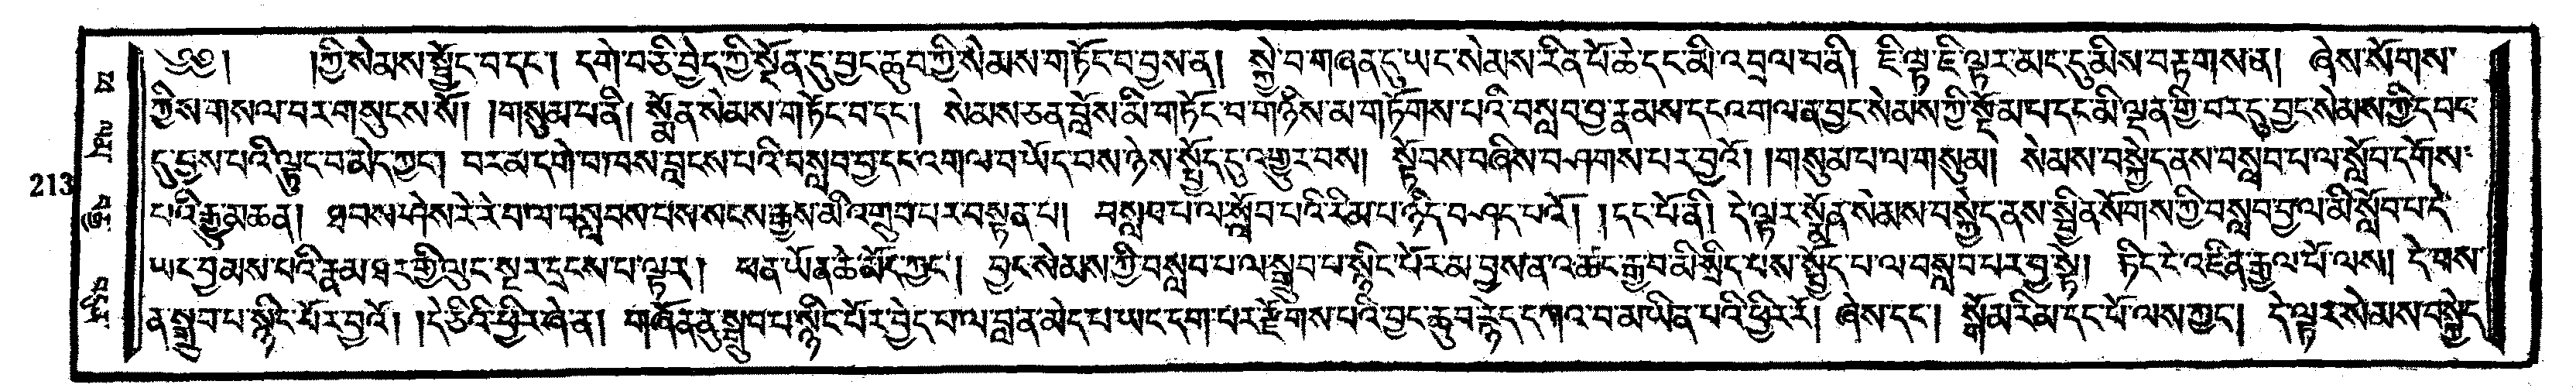༄༅། །ཀྱི་སེམས་སྤྱོད་བ་དང་། དགེ་བ་ཅི་བྱེད་ཀྱི་སྔོན་དུ་བྱང་ཆུབ་ཀྱི་སེམས་གཏོང་བ་བྱས་ན། སྐྱེ་བ་གཞན་དུ་ཡང་སེམས་རིན་པོ་ཆེ་དང་མི་འབྲལ་བ་ནི། ཇི་ལྟ་ཇི་ལྟར་མང་དུ་མིས་བརྟགས་ན། ཞེས་སོགས་
ཀྱིས་གསལ་བར་གསུངས་སོ། །གསུམ་པ་ནི། སྨོན་སེམས་གཏོང་བ་དང་། སེམས་ཅན་བློས་མི་གཏོང་བ་གཉིས་མ་གཏོགས་པའི་བསླབ་བྱ་རྣམས་དང་འགལ་ན་བྱང་སེམས་ཀྱི་སྡོམ་པ་དང་མི་ལྡན་གྱི་བར་དུ་བྱང་སེམས་ཀྱི་དབང་
དུ་བྱས་པའི་ལྟུང་བ་མེད་ཀྱང་། བར་མ་དགེ་བ་ཁས་བླངས་པའི་བསླབ་བྱ་དང་འགལ་བ་ཡོད་བས་ཉེས་སྤྱོད་དུ་འགྱུར་བས། སྟོབས་བཞིས་བཤགས་པར་བྱའོ། །གསུམ་པ་ལ་གསུམ། སེམས་བསྐྱེད་ནས་བསླབ་པ་ལ་སློབ་དགོས་
པའི་རྒྱུ་མཆན། ཐབས་ཤེས་རེ་རེ་བ་ལ་བསླབས་པས་སངས་རྒྱས་མི་འགྲུབ་པར་བསྟན་པ། བསླབ་པ་ལ་སློབ་པའི་རིམ་པ་ཉིད་བཤད་པའོ། །དང་པོ་ནི། དེ་ལྟར་སྨོན་སེམས་བསྐྱེད་ནས་སྦྱིན་སོགས་ཀྱི་བསླབ་བྱ་ལ་མི་སློབ་པ་དེ་
ཡང་བྱམས་པའི་རྣམ་ཐར་གྱི་ལུང་སྔར་དྲངས་པ་ལྟར། ཕན་ཡོན་ཆེ་མོད་ཀྱང་། བྱང་སེམས་ཀྱི་བསླབ་པ་ལ་སྒྲུབ་པ་སྙིང་པོར་མ་བྱས་ན་འཚང་རྒྱ་བ་མི་སྲིད་པས་སྤྱོད་པ་ལ་བསླབ་པར་བྱ་སྟེ། ཏིང་ངེ་འཛིན་རྒྱལ་པོ་ལས། དེ་བས་
ན་སྒྲུབ་པ་སྙིང་པོར་བྱའོ། །དེ་ཅིའི་ཕྱིར་ཞེ་ན། གཞོན་ནུ་སྒྲུབ་པ་སྙིང་པོར་བྱེད་པ་ལ་བླ་ན་མེད་པ་ཡང་དག་པར་རྫོགས་པའི་བྱང་ཆུབ་རྙེད་དཀའ་བ་མ་ཡིན་པའི་ཕྱིར་རོ། ཞེས་དང་། སྒོམ་རིམ་དང་པོ་ལས་ཀྱང་། དེ་ལྟར་སེམས་བསྐྱེད་